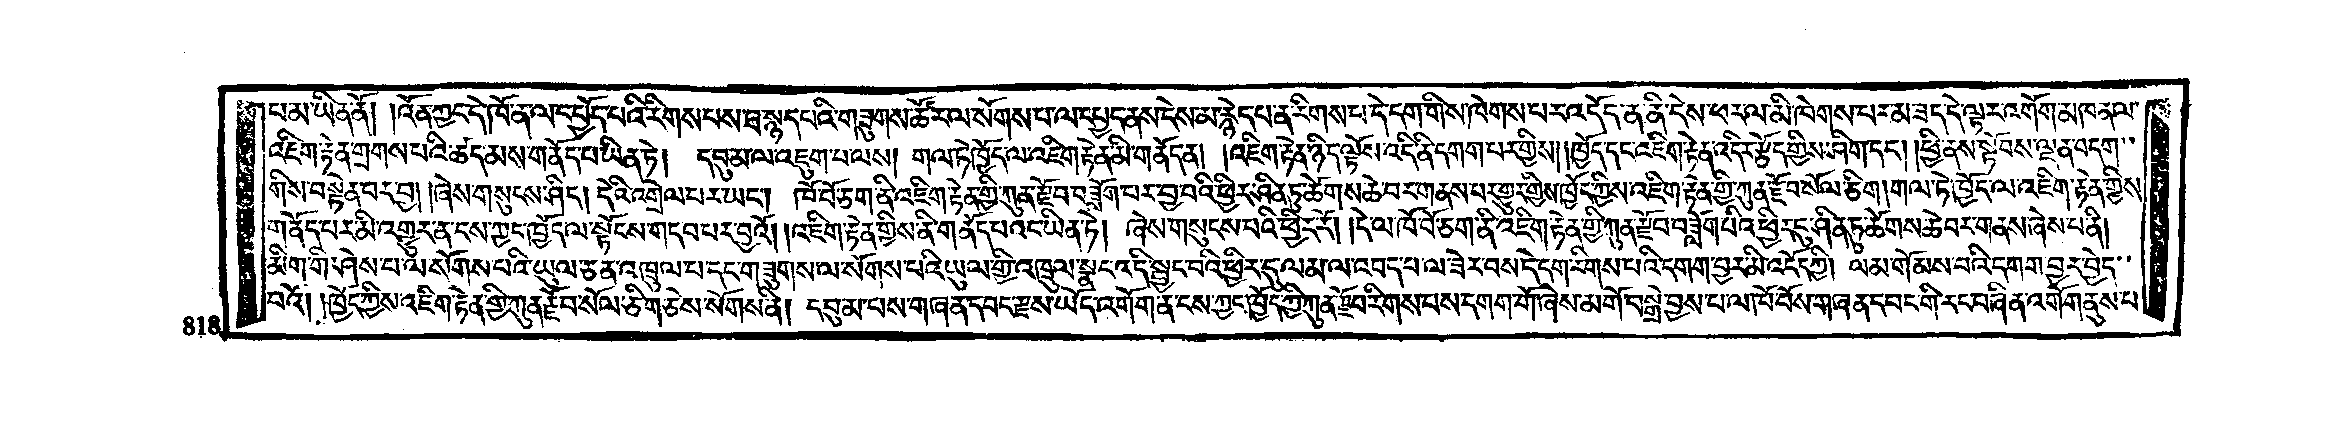པ་མ་ཡིན་ནོ། །འོན་ཀྱང་དེ་ཁོ་ན་ལ་དཔྱོད་པའི་རིགས་པས་ཐ་སྙད་པའི་གཟུགས་ཚོར་ལ་སོགས་པ་ལ་དཔྱད་ནས་དེས་མ་རྙེད་པ་ན་རིགས་པ་དེ་དག་གིས་ཁེགས་པར་འདོད་ན་ནི་དེས་ཕར་ལ་མི་ཁེགས་པར་མ་ཟད་དེ་ལྟར་འགོག་མཁན་ལ་
འཇིག་རྟེན་གྲགས་པའི་ཚད་མས་གནོད་པ་ཡིན་ཏེ། དབུ་མ་ལ་འཇུག་པ་ལས། གལ་ཏེ་ཁྱོད་ལ་འཇིག་རྟེན་མི་གནོད་ན། །འཇིག་རྟེན་ཉིད་ལྟོས་འདི་ནི་དགག་པར་གྱིས། །ཁྱོད་དང་འཇིག་རྟེན་འདིར་རྩོད་གྱིས་ཤིག་དང་། །ཕྱི་ནས་སྟོབས་ལྡན་བདག་
གིས་བསྟེན་པར་བྱ། །ཞེས་གསུངས་ཤིང་། དེའི་འགྲེལ་པར་ཡང་། ཁོ་བོ་ཅག་ནི་འཇིག་རྟེན་གྱི་ཀུན་རྫོབ་བཟློག་པར་བྱ་བའི་ཕྱིར་ཤིན་ཏུ་ཚེགས་ཆེ་བར་གནས་པར་གྱུར་གྱིས་ཁྱོད་ཀྱིས་འཇིག་རྟེན་གྱི་ཀུན་རྫོབ་སོལ་ཅིག །གལ་ཏེ་ཁྱོད་ལ་འཇིག་རྟེན་གྱིས་
གནོད་པར་མི་འགྱུར་ན་ངས་ཀྱང་ཁྱོད་ལ་སྟོངས་གདབ་པར་བྱའོ། །འཇིག་རྟེན་གྱིས་ནི་གནོད་པའང་ཡིན་ཏེ། ཞེས་གསུངས་པའི་ཕྱིར་རོ། །དེ་ལ་ཁོ་བོ་ཅག་ནི་འཇིག་རྟེན་གྱི་ཀུན་རྫོབ་བཟློག་པའི་ཕྱིར་དུ་ཤིན་ཏུ་ཚོགས་ཆེ་བར་གནས་ཞེས་པ་ནི།
མིག་གི་ཤེས་པར་ལ་སོགས་པའི་ཡུལ་ཅན་འཁྲུལ་པ་དང་གཟུགས་ལ་སོགས་པའི་ཡུལ་གྱི་འཁྲུལ་སྣང་འདི་སྦྱང་བའི་ཕྱིར་དུ་ལམ་ལ་འབད་པ་ལ་ཟེར་བས་དེ་དག་རིགས་པའི་དགག་བྱར་མི་འདོད་ཀྱི། ལམ་གོམས་པའི་དགག་བྱར་བྱེད་
པའོ༑ ༑ཁྱོད་ཀྱིས་འཇིག་རྟེན་གྱི་ཀུན་རྫོབ་སོལ་ཅིག་ཅེས་སོགས་ནི། དབུ་མ་པས་གཞན་དབང་རྫས་ཡོད་འགོག་ན་ངས་ཀྱང་ཁྱོད་ཀྱི་ཀུན་རྫོབ་རིགས་པས་དགག་གོ་ཞེས་མགོ་བསྒྲེ་བྱས་པ་ལ་ཁོ་བོས་གཞན་དབང་གི་རང་བཞིན་འགོག་ནུས་པ་